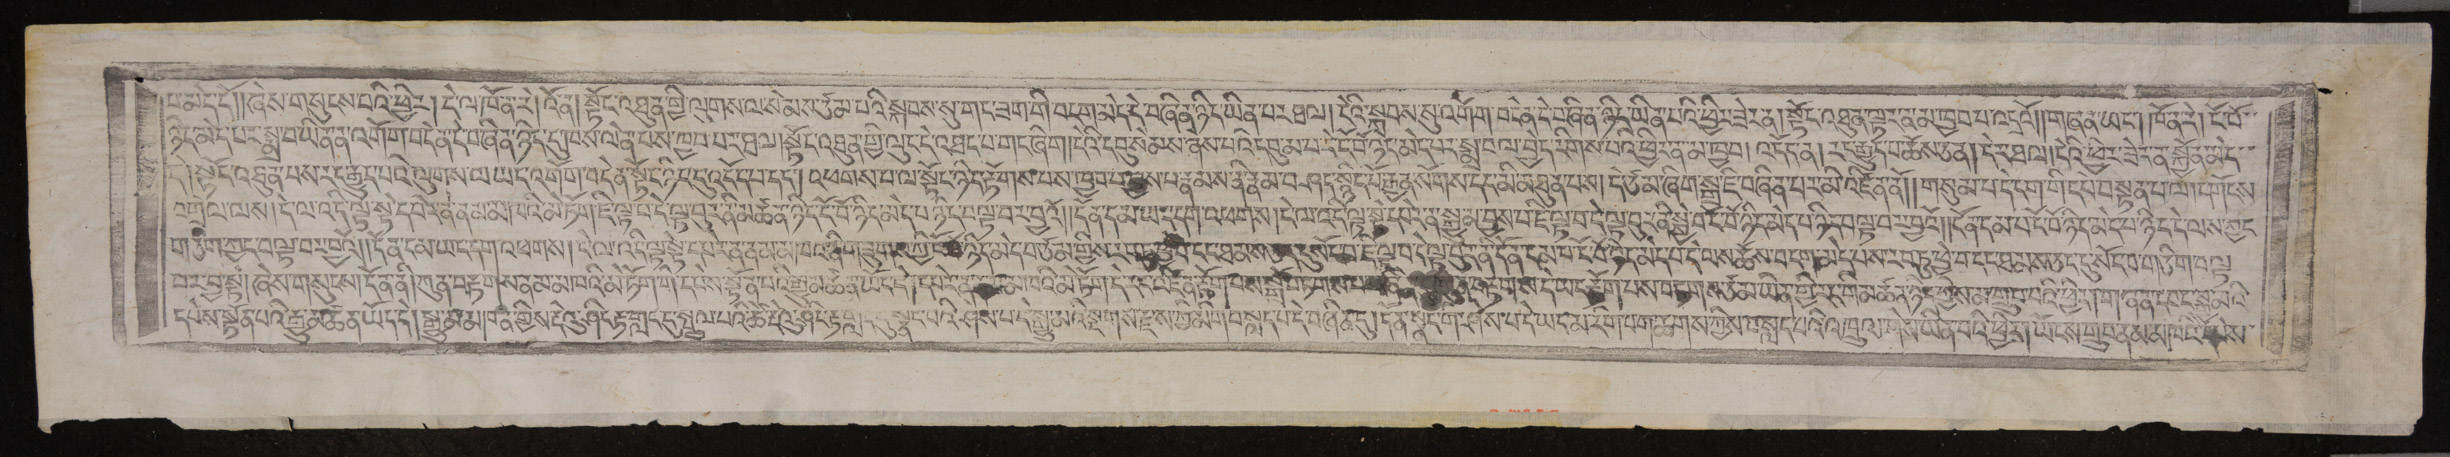པ་མེད་དོ། །ཞེས་གསུངས་པའི་ཕྱིར། དེ་ལ་ཁོ་ན་རེ། འོ་ན། སྟོང་འཐུན་གྱི་ལུགས་ལ་སེམས་ཙམ་པའི་སྐབས་སུ་གང་ཟག་གི་བདག་མེད་དེ་བཞིན་ཉིད་ཡིན་པར་ཐལ། དེའི་སྐབས་སུ་འགོག་བདེན་དེ་བཞིན་ཉིད་ཡིན་པའི་ཕྱིར་ཟེར་ན། སྟོང་འཐུན་ལྟར་ན་མ་ཁྱབ་པ་འདྲའོ། །གཞན་ཡང་། ཁོ་ན་རེ། ངོ་བོ་
ཉིད་མེད་པར་སྨྲ་བ་ཡིན་ན་འགོག་བདེན་དེ་བཞིན་ཉིད་དུ་ཁས་ལེན་པས་ཁྱབ་པར་ཐལ། སྟོང་འཐུན་གྱི་ལུང་དེ་འཐད་པ་གང་ཞིག། དེའི་དབུ་སེམས་ཞེས་པའི་དབུ་མ་པ་དེ་ངོ་བོ་ཉིད་མེད་པར་སྨྲ་བ་ལ་བྱེད་རིགས་པའི་ཕྱིར་ན་མ་ཁྱབ། འདོད་ན། རང་རྒྱུད་པ་ཆོས་ཅན། དེར་ཐལ། དེའི་ཕྱིར་ཟེར་ན་སྐྱོན་མེད་
དེ། སྟོང་འཐུན་པས་རང་རྒྱུད་པའི་ལུགས་ལ་ཡང་འགོག་བདེན་སྟོང་ཉིད་དུ་འདོད་པ་དང་། འཕགས་པ་ལ་སྟོང་ཉིད་རྟོགས་པས་ཁྱབ་པ་བྱས་པ་རྣམས་ནི་རྣམ་བཤད་སྙིང་པོ་རྒྱན་སོགས་དང་མི་མཐུན་པས། དེ་ཙམ་ཞིག་སྒྲ་ཇི་བཞིན་པར་མི་འཛིན་ནོ། །གསུམ་པ་དེ་དག་གི་དཔེ་བསྟན་པ་ལ། དགོངས་
འགྲེལ་ལས། དེ་ལ་འདི་ལྟ་སྟེ་དཔེར་ན་ནམ་མཁའི་མེ་ཏོག་ཇི་ལྟ་བ་དེ་ལྟ་བུར་ནི་མཚན་ཉིད་ངོ་བོ་ཉིད་མེད་པ་ཉིད་བལྟ་བར་བྱའོ། །དོན་དམ་ཡང་དག་འཕགས། དེ་ལ་འདི་ལྟ་སྟེ་དཔེར་ན་སྒྱུ་མ་བྱས་པ་ཇི་ལྟ་བ་དེ་ལྟ་བུར་ནི་སྐྱེ་བ་ངོ་བོ་ཉིད་མེད་པ་ཉིད་བལྟ་བར་བྱའོ། །དོན་དམ་པ་ངོ་བོ་ཉིད་མེད་པ་ཉིད་དེ་ལས་ཀྱང་
གཅིག་ཀྱང་བལྟ་བར་བྱའོ། །དོན་དམ་ཡང་དག་འཕགས། དེ་ལ་འདི་ལྟ་སྟེ་དཔེར་ན་ནམ་མཁའ་ནི་གཟུགས་ཀྱི་ངོ་བོ་ཉིད་མེད་པ་ཙམ་གྱིས་རབ་ཏུ་ཕྱེ་བ་དང་ཐམས་ཅད་དུ་སོང་བ་ཇི་ལྟ་བ་དེ་ལྟ་བུར་ནི་དོན་དམ་པ་ངོ་བོ་ཉིད་མེད་པ་དེ་ལས་ཆོས་བདག་མེད་པས་རབ་ཏུ་ཕྱེ་བ་དང་ཐམས་ཅད་དུ་སོང་བ་གཅིག་བལྟ་
བར་བྱ་སྟེ། ཞེས་གསུངས། དོན་ནི། ཀུན་བརྟགས་ནམ་མཁའི་མེ་ཏོག་གི་དཔེས་སྟོན་པའི་རྒྱུ་མཚན་ཡོད་དེ། དཔེར་ན་ནམ་མཁའི་མེ་ཏོག་དེ་རང་འཛིན་རྟོག་པས་སྒྲོ་བཏགས་པ་བཞིན་དུ། ཀུན་བརྟགས་དེ་ཡང་རྟོག་པས་བཏགས་ཙམ་ཡིན་གྱི་རང་གི་མཚན་ཉིད་ཀྱིས་མ་གྲུབ་པའི་ཕྱིར། གཞན་དབང་སྒྱུ་མའི་
དཔེས་སྟོན་པའི་རྒྱུ་མཚན་ཡོད་དེ། སྒྱུ་མ་མཁན་གྱིས་རྡེའུ་ཤིང་རྟ་གླང་དུ་སྤྲུལ་པའི་ཚེ་རྡེའུ་ཤིང་རྟ་གླང་དུ་སྣང་བའི་ཤེས་པ་དེ་སྒྱུ་མའི་སྔགས་རྫས་ཀྱི་མིག་བསླད་པ་དེ་བཞིན་དུ། དོན་སྣང་གི་ཤེས་པ་དེ་ཡང་མ་རིག་བག་ཆགས་ཀྱིས་བསླད་པའི་འཁྲུལ་ཤེས་ཡིན་པའི་ཕྱིར། ཡོངས་གྲུབ་ནམ་མཁའི་དཔེས་